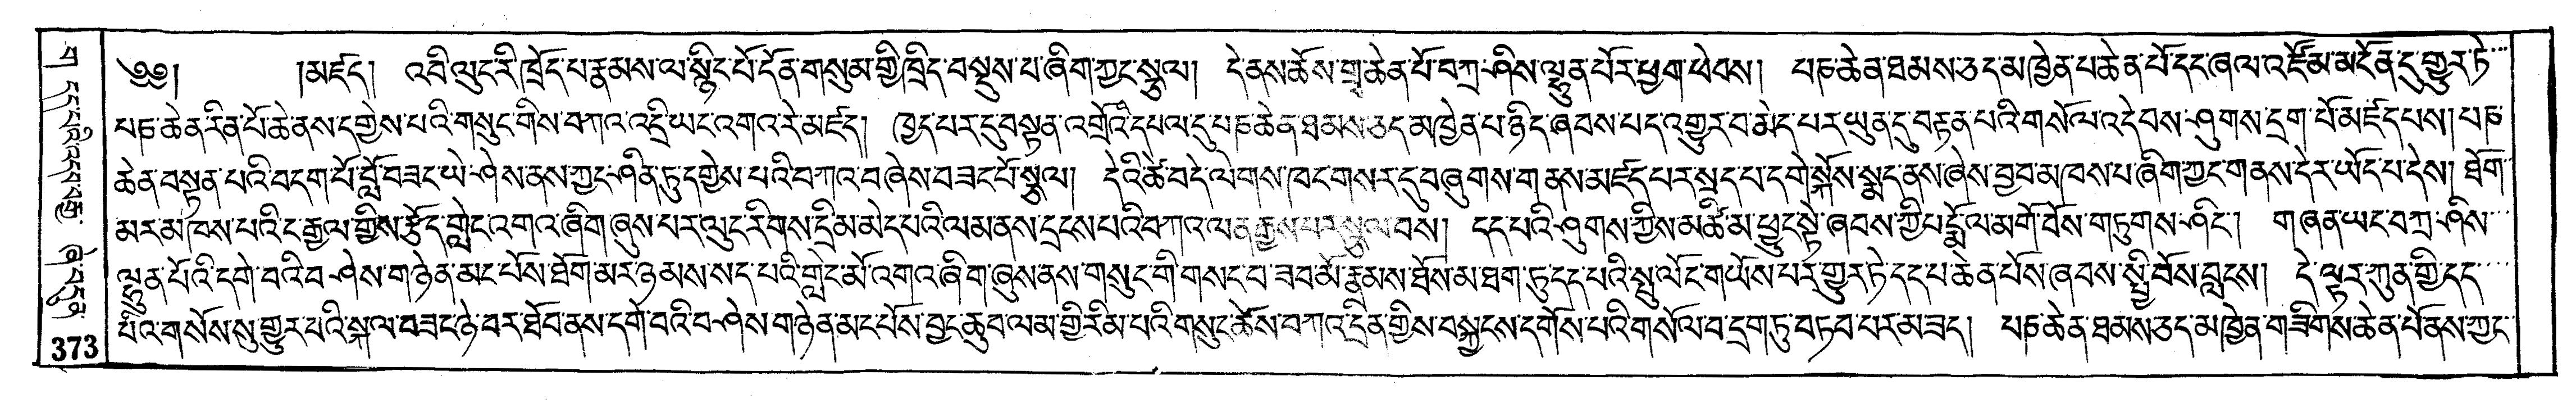༄༅། །མཛད། འབི་ལུང་རི་ཁྲོད་པ་རྣམས་ལ་སྙིང་པོ་དོན་གསུམ་གྱི་ཁྲིད་བསྡུས་བ་ཞིག་ཀྱར་སྩལ། དེ་ནས་ཆོས་གྲྭ་ཆེན་པོ་བཀྲ་ཤིས་ལྷུན་པོར་ཕྱག་ཕེབས། པཎ་ཆེན་ཐམས་ཅད་མཁྱེན་པ་ཆེན་པོ་དང་ཞལ་འཛོམ་མངོན་དུ་གྱུར་ཏེ་
པཎ་ཆེན་རིན་པོ་ཆེ་ནས་དགྱེས་པའི་གསུང་གིས་བཀའ་འདྲི་ཡང་འགའ་རེ་མཛད། ཁྱད་པར་དུ་བསྟན་འགྲོའི་དཔལ་དུ་པཎ་ཆེན་ཐམས་ཅད་མཁྱེན་བ་ཉིད་ཞབས་པད་འགྱུར་བ་མེད་པར་ཡུན་དུ་བརྟན་པའི་གསོལ་འདེབས་ཤུགས་དྲག་པོ་མཛད་པས། པཎ་
ཆེན་བསྟན་པའི་བདག་པོ་བློ་བཟང་ཡེ་ཤེས་ནས་ཀྱང་ཤིན་ཏུ་དགྱེས་པའི་བཀའ་བ་ཞེས་བཟང་པོ་སྩལ། དེའི་ཚེ་བདེ་ལེགས་ཁང་གསར་དུ་བཞུགས་གནས་མཛད་པར་སྲད་བ་དགེ་སྐོས་སྨད་ནས་ཞེས་བྱ་བ་མཁས་པ་ཞིག་ཀྱང་གནས་དེར་ཡོད་བ་དེས། ཐོག་
མར་མཁས་པའི་ང་རྒྱལ་གྱིས་རྩོད་གླེང་འགའ་ཞིག་ཞུས་པར་ལུང་རིགས་དྲི་མ་མེད་པའི་ལམ་ནས་དྲངས་པའི་བཀའ་ལན་རྒྱས་པར་སྩལ་པས། དད་པའི་ཤུགས་ཀྱིས་མཆི་མ་ཕྱུང་སྟེ་ཞབས་ཀྱི་པདམོ་ལ་མགོ་བོས་གཏུགས་ཤིང་། གཞན་ཡང་བཀྲ་ཤིས་
ལྷུན་པོའི་དགེ་བའི་བཤེས་གཉེན་མང་པོས་ཐོག་མར་ཉམས་སད་པའི་གླེང་མོ་འགའ་ཞིག་ཞུས་ནས་གསུང་གི་གསང་བ་ཟབ་མོ་རྣམས་ཐོས་མ་ཐག་ཏུ་དད་པའི་སྤུ་ལོང་གཡོས་པར་གྱུར་ཏེ་དང་བ་ཆེན་པོས་ཞབས་སྤྱི་བོས་བླངས། དེ་ལྟར་ཀུན་གྱི་དད་
པའི་གསོས་སུ་གྱུར་པའི་སྐལ་བཟང་ཉེ་བར་ཐོབ་ནས་དགེ་བའི་བཤེས་གཉེན་མང་པོས་བྱང་ཆུབ་ལམ་གྱི་རིམ་པའི་གསུང་ཆོས་བཀའ་དྲིན་གྱིས་བསྐྱངས་དགོས་པའི་གསོལ་བ་དྲག་ཏུ་བཏབ་པར་མ་ཟད། པཎ་ཆེན་ཐམས་ཅད་མཁྱེན་གཟིགས་ཆེན་པོ་ནས་ཀྱང་